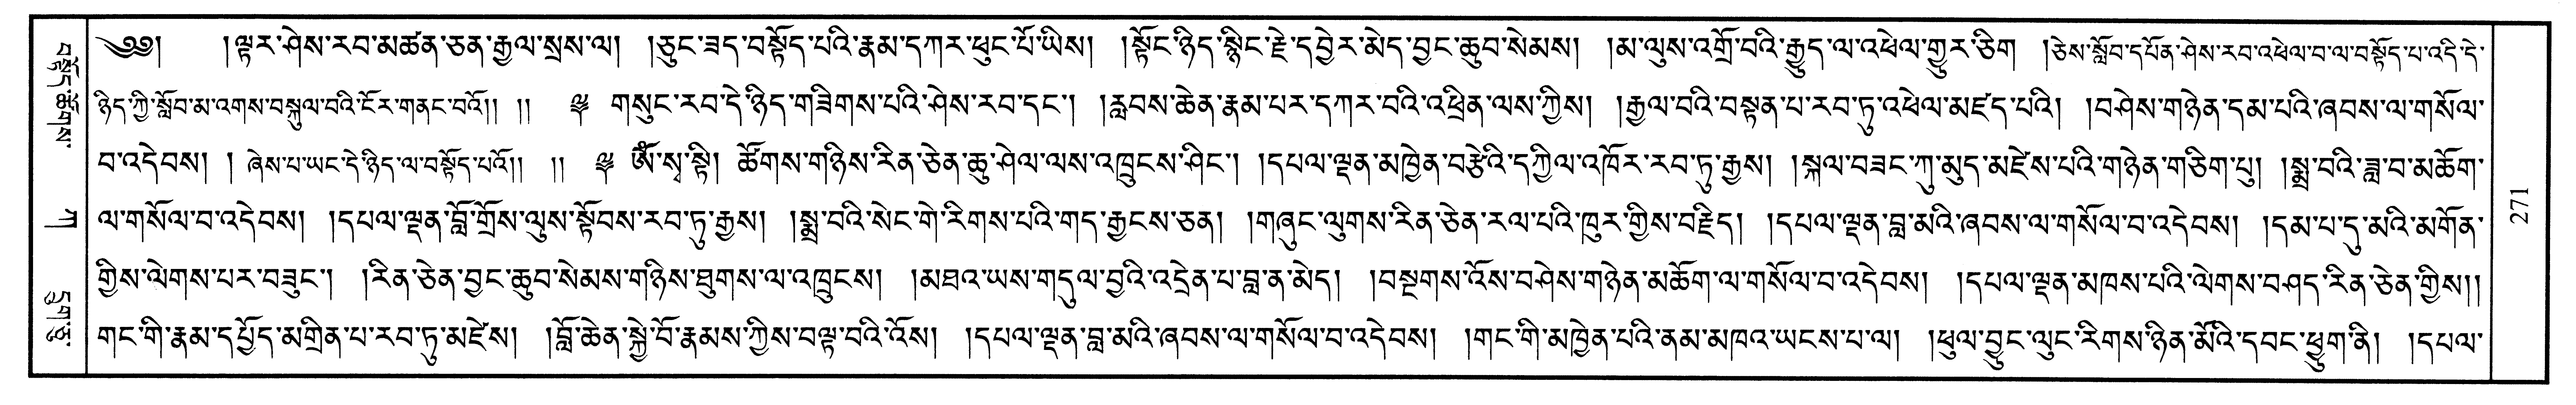༄༅། །ལྟར་ཤེས་རབ་མཚན་ཅན་རྒྱལ་སྲས་ལ། །ཅུང་ཟད་བསྟོད་པའི་རྣམ་དཀར་ཕུང་པོ་ཡིས། །སྟོང་ཉིད་སྙིང་རྗེ་དབྱེར་མེད་བྱང་ཆུབ་སེམས། །མ་ལུས་འགྲོ་བའི་རྒྱུད་ལ་འཕེལ་གྱུར་ཅིག །ཅེས་སློབ་དཔོན་ཤེས་རབ་འཕེལ་བ་ལ་བསྟོད་པ་འདི་དེ་
ཉིད་ཀྱི་སློབ་མ་འགས་བསྐུལ་བའི་ངོར་གནང་བའོ།། །། ༈ གསུང་རབ་དེ་ཉིད་གཟིགས་པའི་ཤེས་རབ་དང་། །རླབས་ཆེན་རྣམ་པར་དཀར་བའི་འཕྲིན་ལས་ཀྱིས། །རྒྱལ་བའི་བསྟན་པ་རབ་ཏུ་འཕེལ་མཛད་པའི། །བཤེས་གཉེན་དམ་པའི་ཞབས་ལ་གསོལ་
བ་འདེབས། །ཞེས་པ་ཡང་དེ་ཉིད་ལ་བསྟོད་པའོ།། །། ༈ ཨོཾ་སྭ་སྟི། ཚོགས་གཉིས་རིན་ཅེན་ཆུ་ཤེལ་ལས་འཁྲུངས་ཤིང་། །དཔལ་ལྡན་མཁྱེན་བརྩེའི་དཀྱིལ་འཁོར་རབ་ཏུ་རྒྱས། །སྐལ་བཟང་ཀུ་མུད་མཛེས་པའི་གཉེན་གཅིག་པུ། །སྨྲ་བའི་ཟླ་བ་མཆོག་
ལ་གསོལ་བ་འདེབས། །དཔལ་ལྡན་བློ་གྲོས་ལུས་སྟོབས་རབ་ཏུ་རྒྱས། །སྨྲ་བའི་སེང་གེ་རིགས་པའི་གད་རྒྱངས་ཅན། །གཞུང་ལུགས་རིན་ཅེན་རལ་པའི་ཁུར་གྱིས་བརྗིད། །དཔལ་ལྡན་བླ་མའི་ཞབས་ལ་གསོལ་བ་འདེབས། །དམ་པ་དུ་མའི་མགོན་
གྱིས་ལེགས་པར་བཟུང་། །རིན་ཅེན་བྱང་ཆུབ་སེམས་གཉིས་ཐུགས་ལ་འཁྲུངས། །མཐའ་ཡས་གདུལ་བྱའི་འདྲེན་པ་བླ་ན་མེད། །བསྔགས་འོས་བཤེས་གཉེན་མཆོག་ལ་གསོལ་བ་འདེབས། །དཔལ་ལྡན་མཁས་པའི་ལེགས་བཤད་རིན་ཅེན་གྱིས།།
གང་གི་རྣམ་དཔྱོད་མགྲིན་པ་རབ་ཏུ་མཛེས། །བློ་ཆེན་སྐྱེ་བོ་རྣམས་ཀྱིས་བལྟ་བའི་འོས། །དཔལ་ལྡན་བླ་མའི་ཞབས་ལ་གསོལ་བ་འདེབས། །གང་གི་མཁྱེན་པའི་ནམ་མཁའ་ཡངས་པ་ལ། །ཕུལ་བྱུང་ལུང་རིགས་ཉིན་མོའི་དབང་ཕྱུག་ནི། །དཔལ་